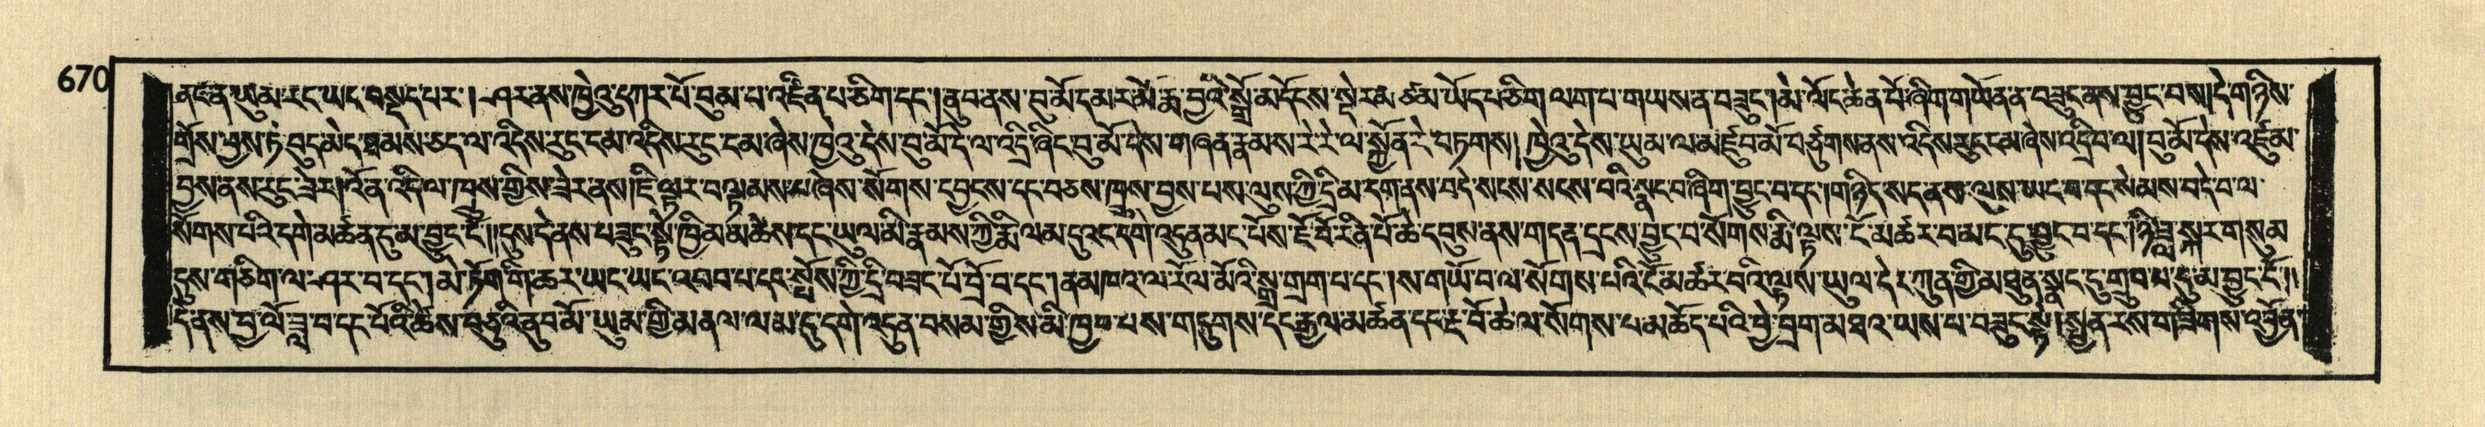ནང་ན་ཡུམ་རང་ཡང་བསྡད་པར། ཤར་ནས་ཁྱེའུ་དཀར་པོ་བུམ་པ་འཛིན་པ་ཅིག་དང་། ནུབ་ནས་བུ་མོ་དམར་མོ་རྨ་བྱའི་སྒྲོ་མདོངས་སྡེར་མ་ཙམ་ཡོད་པ་ཅིག་ལག་པ་གཡས་ན་བཟུང་། མེ་ལོང་ཆེན་པོ་ཞིག་གཡོན་ན་བཟུང་ནས་བྱུང་བས། དེ་གཉིས་
གྲོས་བྱས་ཏེ་བུད་མེད་ཐམས་ཅད་ལ་འདིས་རུང་ངམ་འདིས་རུང་ངམ་ཞེས་ཁྱེའུ་དེས་བུ་མོ་དེ་ལ་འདྲི་ཞིང་བུ་མོ་དེས་གཞན་རྣམས་རེ་རེ་ལ་སྐྱོན་རེ་བཏགས། ཁྱེའུ་དེས་ཡུམ་ལ་མཛུབ་མོ་བཙུགས་ནས་འདིས་རུང་ངམ་ཞེས་འདྲི་བ་ལ། བུ་མོ་དེས་འཛུམ་
བྱས་ནས་རུང་ཟེར། འོ་ན་འདི་ལ་ཁྲུས་གྱིས་ཟེར་ནས། ཇི་ལྟར་བལྟམས་པ་ཞེས་སོགས་དབྱངས་དང་བཅས་ཁྲུས་བྱས་པས་ལུས་ཀྱི་དྲི་མ་དག་ནས་བདེ་སངས་སངས་བའི་སྣང་བ་ཞིག་བྱུང་བ་དང་། གཉིད་སད་ནས་ལུས་ཡང་བ་དང་སེམས་བདེ་བ་ལ་
སོགས་པའི་དགེ་མཚན་དུ་མ་བྱུང་ངོ། །དུས་དེ་ནས་པ་ཟུང་སྟེ་ཁྱིམ་མཆེས་དང་ཡུལ་མི་རྣམས་ཀྱི་རྨི་ལམ་དུའང་དགེ་འདུན་མང་པོས་ཇོ་བོ་རིན་པོ་ཆེ་དབུས་ནས་གདན་དྲངས་བྱུང་བ་སོགས་རྨི་ལྟས་ངོ་མཚར་བ་མང་དུ་བྱུང་བ་དང་། ཉི་ཟླ་སྐར་གསུམ་
དུས་གཅིག་ལ་ཤར་བ་དང་། མེ་ཏོག་གི་ཆར་ཡང་ཡང་འབབ་པ་དུས་དང་སྤོས་ཀྱི་དྲི་བཟང་པོ་བྲོ་བ་དང་། ནམ་མཁའ་ལ་རོལ་མོའི་གྲག་པ་དང་། ས་གཡོ་བ་ལ་སོགས་པའི་ངོ་མཚར་བའི་ལྟས་ཡུལ་དེར་ཀུན་གྱི་མཐུན་སྣང་དུ་གྲུབ་པ་དུ་མ་བྱུང་ངོ།།
དེ་ནས་བྱ་ལོ་ཟླ་བ་དང་པོའི་ཚེས་བཅུའི་ནུབ་མོ་ཡུམ་གྱི་མནལ་ལམ་དུ་དགེ་འདུན་བསམ་གྱིས་མི་ཁྱབ་པས་གདུགས་དང་རྒྱལ་མཚན་དང་རྔ་བོ་ཆེ་ལ་སོགས་པ་མཆོད་པའི་བྱེ་བྲག་མཐའ་ཡས་པ་བཟུང་སྟེ། སྤྱན་རས་གཟིགས་འབྱོན་